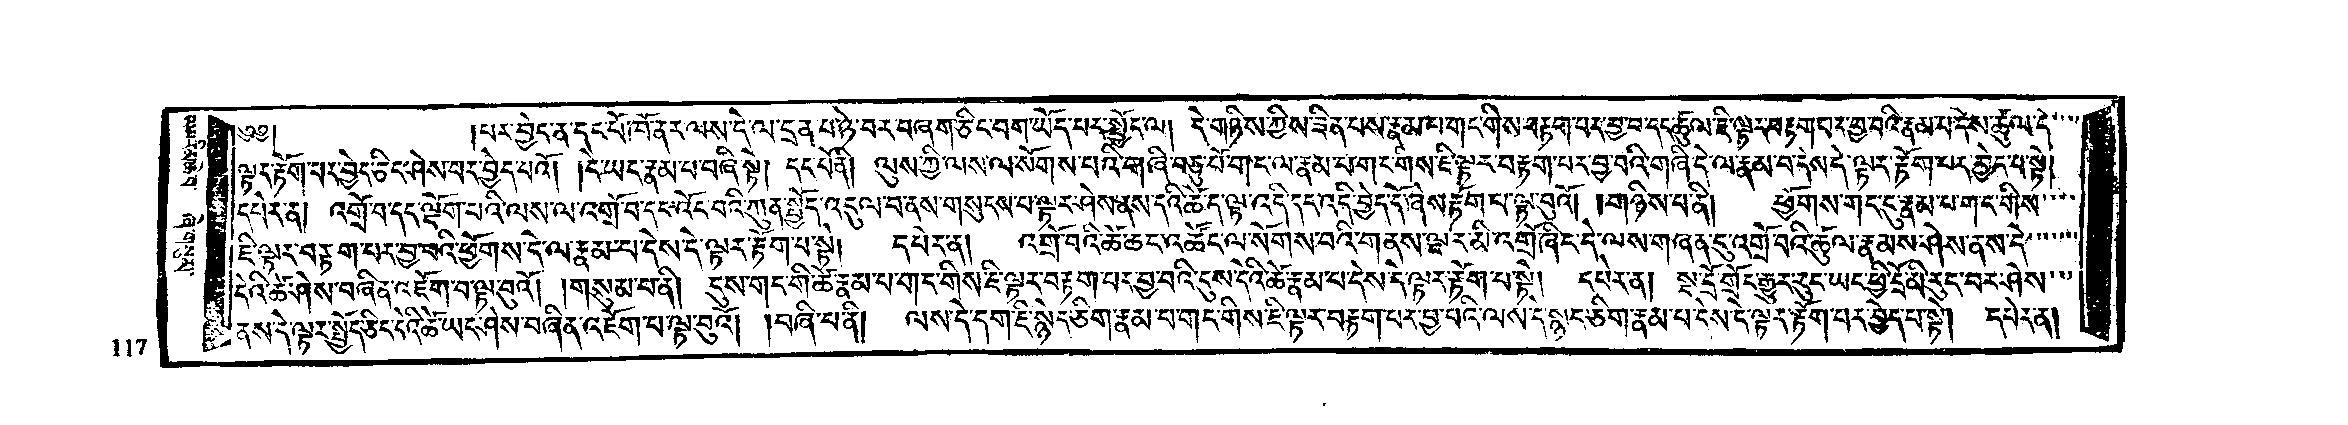༄༅། །པར་བྱེད་ན་དང་པོ་ཁོ་ནར་ལས་དེ་ལ་དྲན་པ་ཉེ་བར་བཞག་ཅིང་བག་ཡོད་པར་སྤྱོད་ལ། དེ་གཉིས་ཀྱིས་ཟིན་པས་རྣམ་པ་གང་གིས་བརྟག་པར་བྱ་བ་དང་ཚུལ་ཇི་ལྟར་བརྟག་པར་བྱ་བའི་རྣམ་པ་དེས་ཚུལ་དེ་
ལྟར་རྟོག་པར་བྱེད་ཅིང་ཤེས་པར་བྱེད་པའོ། །དེ་ཡང་རྣམ་པ་བཞི་སྟེ། དང་པོ་ནི། ལུས་ཀྱི་ལས་ལ་སོགས་པའི་གཞི་བཅུ་པོ་གང་ལ་རྣམ་པ་གང་གིས་ཇི་ལྟར་བརྟག་པར་བྱ་བའི་གཞི་དེ་ལ་རྣམ་པ་དེས་དེ་ལྟར་རྟོག་པར་བྱེད་པ་སྟེ།
དཔེར་ན། འགྲོ་བ་དང་ལྡོག་པའི་ལས་ལ་འགྲོ་བ་དང་འོང་བའི་ཀུན་སྤྱོད་འདུལ་བ་ནས་གསུངས་པ་ལྟར་ཤེས་ནས་དེའི་ཚེ་ད་ལྟ་འདི་དང་འདི་བྱེད་དོ་ཞེས་རྟོག་པ་ལྟ་བུའོ། །གཉིས་པ་ནི། ཕྱོགས་གང་དུ་རྣམ་པ་གང་གིས་
ཇི་ལྟར་བརྟག་པར་བྱ་བའི་ཕྱོགས་དེ་ལ་རྣམ་པ་དེས་དེ་ལྟར་རྟོག་པ་སྟེ། དཔེར་ན། འགྲོ་བའི་ཚེ་ཆང་འཚོང་ལ་སོགས་པའི་གནས་ལྔར་མི་འགྲོ་ཞིང་དེ་ལས་གཞན་དུ་འགྲོ་བའི་ཚུལ་རྣམས་ཤེས་ནས་དེ་དང་
དེའི་ཚེ་ཤེས་བཞིན་འཇོག་པ་ལྟ་བུའོ། །གསུམ་པ་ནི། དུས་གང་གི་ཚེ་རྣམ་པ་གང་གིས་ཇི་ལྟར་བརྟག་པར་བྱ་བའི་དུས་དེའི་ཚེ་རྣམ་པ་དེས་དེ་ལྟར་རྟོག་པ་སྟེ། དཔེར་ན། སྔ་དྲོ་གྲོང་རྒྱུར་རུང་ཡང་ཕྱི་དྲོ་མི་རུང་བར་ཤེས་
ནས་དེ་ལྟར་སྤྱོད་ཅིང་དེའི་ཚེ་ཡང་ཤེས་བཞིན་འཇོག་པ་ལྟ་བུའོ། །བཞི་པ་ནི། ལས་དེ་དག་ཇི་སྙེད་ཅིག་རྣམ་པ་གང་གིས་ཇི་ལྟར་བརྟག་པར་བྱ་བའི་ལས་དེ་སྙེད་ཅིག་རྣམ་པ་དེས་དེ་ལྟར་རྟོག་པར་བྱེད་པ་སྟེ། དཔེར་ན།